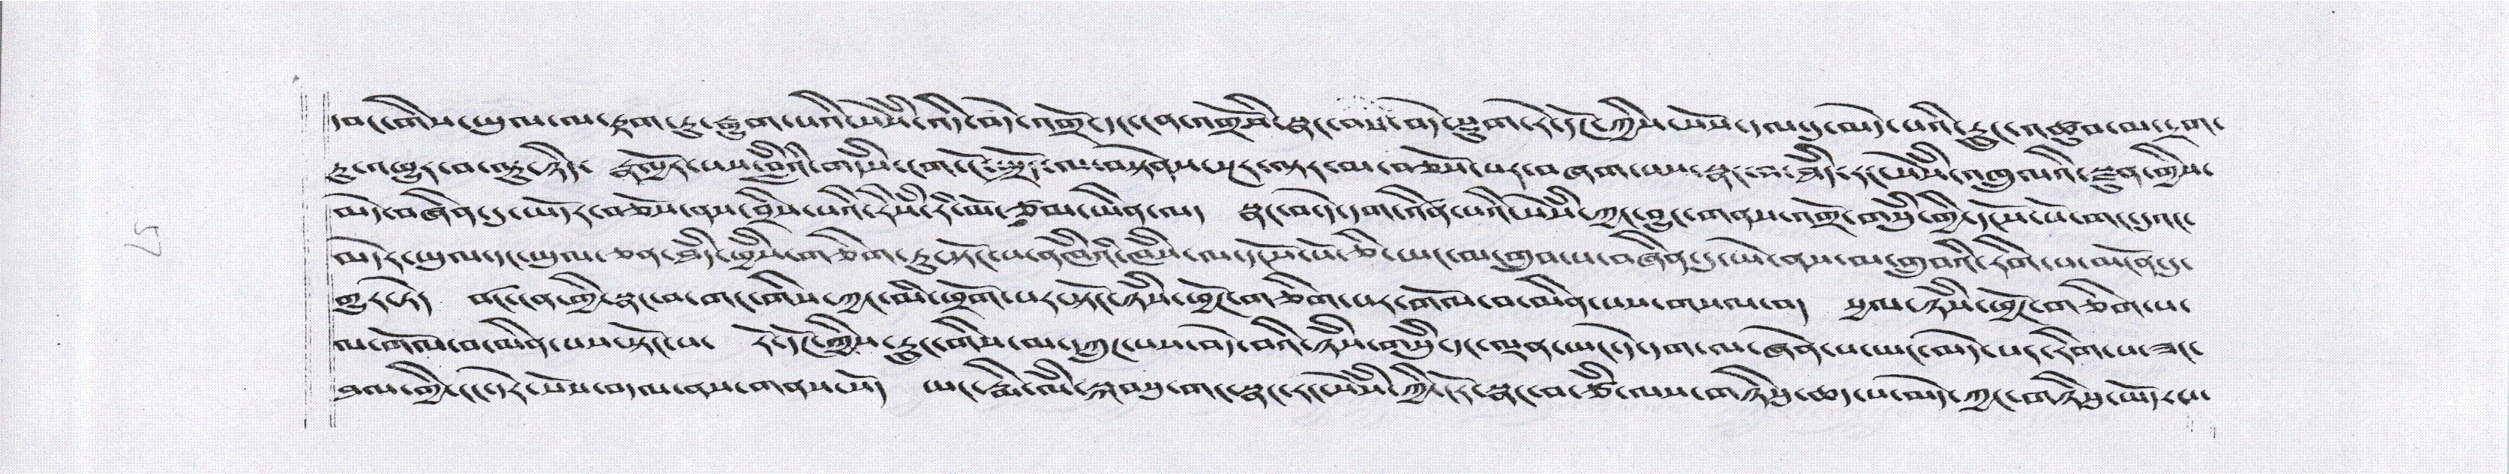དབང་གིས་ཡུལ་ལ་རྟག་ཏུ་རྒྱུགས་པའི་སེམས་འདི་བདེ་འགྲོ་དང་ངན་འགྲོའི་སྣང་བས་བདེ་སྡུག་རེ་དྭོགས་ཀྱིས་སོས་དལ་དུ་མེད་པའི་རླུང་འཚུབ་ལ་དྲག་
ཏུ་འཕྱུར་བ་ལྟ་བུ་ཉིད། རྣལ་འབྱོར་པས་བླ་མའི་གདམས་ངག་ངོ་སྤྲོད་ལ་བརྟེན་ནས་སྔར་ལྟར་མ་བཅོས་པར་བཞག་པས་སྣང་བ་ཐམས་ཅད་རང་སེམས་འཁྲུལ་པའི་རྫུན་གྱིས་
མེད་བཞིན་དུ་ཡོད་པར་བཅོས་ནས་བྲིས་པའི་རིས་སམ་རི་མོ་ཙམ་ཡིན་ལ། སྣང་བ་དེ་དག་འཛིན་པའི་སེམས་ཀྱང་བྱུང་གནས་འགྲོ་གསུམ་གྱི་དངོས་པོ་གང་དུའང་
མེད་པར་ཡུལ་དང་ཡུལ་ཅན་ཐམས་ཅད་ཕྱམ་གཅིག་ཏུ་སྟོང་པ་ནམ་མཁའི་ཁམས་ལ་དངོས་པོ་ཅི་ཡང་མ་གྲུབ་པ་བཞིན་དུ་ཡེ་ནས་མ་གྲུབ་པའི་རིག་པ་མངོན་དུ་
གྱུར་ཏེ། བཟང་ངན་གྱི་སྣང་བ་གང་གིས་ཀྱང་མི་ཕྲོགས་པར་སྟོང་ཉམས་ཕྱོགས་གཅིག་པར་གོལ་བ་མིན་པས་གསལ་བ། གསལ་ཉམས་ཕྱོགས་གཅིག་པ་
ལ་གོལ་བ་མིན་པས་སྟོང་པ། རེ་དྭོགས་ཀྱིས་རླུང་གིས་མ་དཀྲུག་པས་བདེ་བའི་ཉམས་གསུམ་དང་ལྡན་ཡང་དེ་དག་ལ་ཞེན་པ་ཡང་མེད་པར་རིགས་པ་ཟང་
ཐལ་གྱི་ངང་དེར་སོས་བདལ་ནས་གནས་སོ། ཡང་རྨི་ལམ་གྱི་སྐབས་སུ་གང་སྣང་རང་སེམས་ཀྱི་ངོར་སྣང་བ་ཙམ་ལས་རང་སེམས་ཀྱི་ངོར་སྣང་བ་ཙམ་ལས་གཉིས་སུ་ཆད་པ་མེད་ཀྱང་གཉིས་སུ་ཡོད་པ་